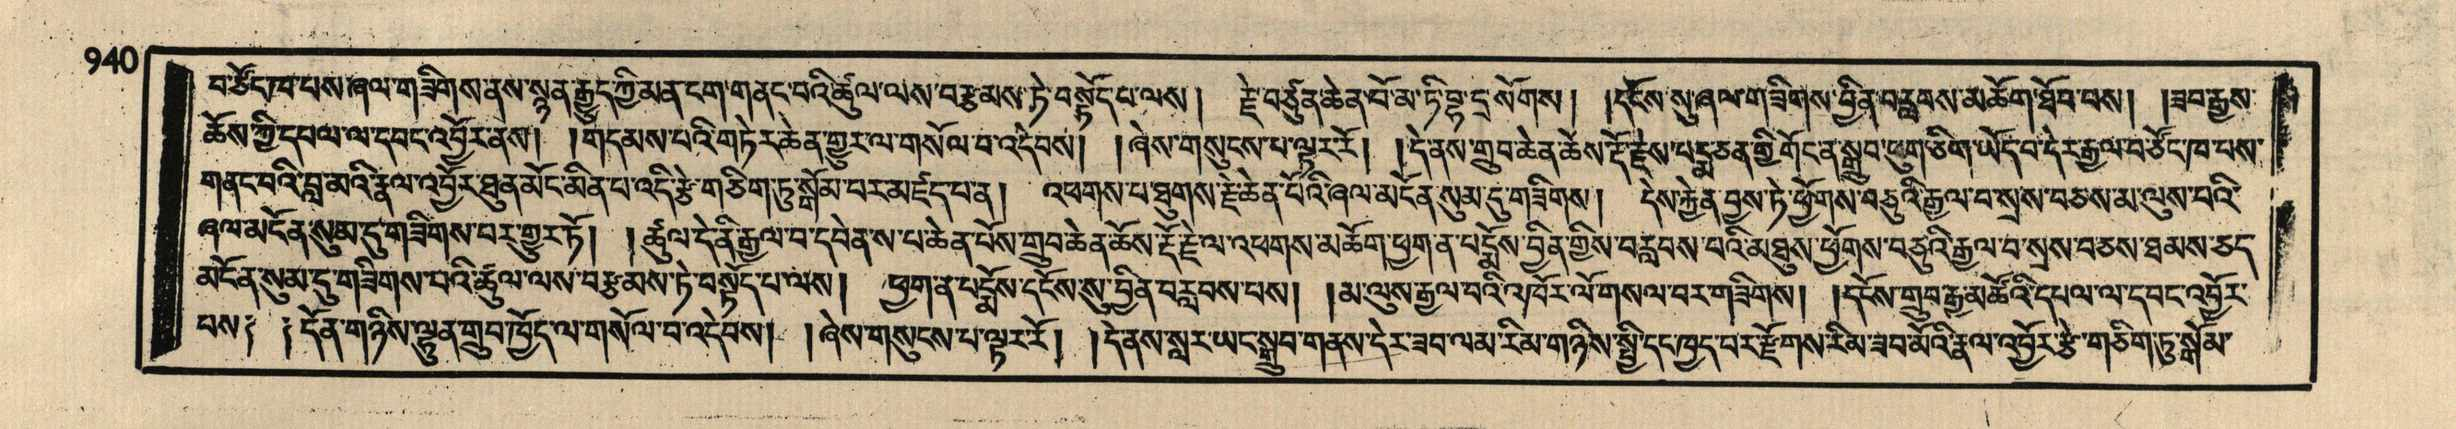བ་ཙོང་ཁ་པས་ཞལ་གཟིགས་ནས་སྙན་རྒྱུད་ཀྱི་མན་ངག་གནང་བའི་ཚུལ་ལས་བརྩམས་ཏེ་བསྟོད་པ་ལས། རྗེ་བཙུན་ཆེན་བོ་མ་ཏི་བྷ་དྲ་སོགས། །དངོས་སུ་ཞལ་གཟིགས་བྱིན་བརླབས་མཆོག་ཐོབ་བས། །ཟབ་རྒྱས་
ཆོས་ཀྱི་དཔལ་ལ་དབང་འབྱོར་ནས། །གདམས་པའི་གཏེར་ཆེན་གྱུར་ལ་གསོལ་བ་འདེབས། །ཞེས་གསུངས་པ་ལྟར་རོ། །དེ་ནས་གྲུབ་ཆེན་ཆོས་རྡོ་རྗེས་པདམ་ཅན་གྱི་གོང་ན་སྒྲུབ་ཕུག་ཅིག་ཡོད་བ་དེར་རྒྱལ་བ་ཙོང་ཁ་པས་
གནང་བའི་བླ་མའི་རྣལ་འབྱོར་ཐུན་མོང་མིན་པ་འདི་རྩེ་གཅིག་ཏུ་སྒོམ་པར་མཛད་པ་ན། འཕགས་པ་ཐུགས་རྗེ་ཆེན་པོའི་ཞལ་མངོན་སུམ་དུ་གཟིགས། དེས་རྐྱེན་བྱས་ཏེ་ཕྱོགས་བཅུའི་རྒྱལ་བ་སྲས་བཅས་མ་ལུས་པའི་
ཞལ་མངོན་སུམ་དུ་གཟིགས་པར་གྱུར་ཏོ། །ཚུལ་དེ་ནི་རྒྱལ་བ་དབེན་ས་པ་ཆེན་པོས་གྲུབ་ཆེན་ཆོས་རྡོ་རྗེ་ལ་འཕགས་མཆོག་ཕྱག་ན་པ་དམོས་བྱིན་གྱིས་བརླབས་པའི་མཐུས་ཕྱོགས་བཅུའི་རྒྱལ་བ་སྲས་བཅས་ཐམས་ཅད་
མངོན་སུམ་དུ་གཟིགས་པའི་ཚུལ་ལས་བརྩམས་ཏེ་བསྟོད་པ་ལས། ཕྱག་ན་པདམོས་དངོས་སུ་བྱིན་བརླབས་པས། །མ་ལུས་རྒྱལ་བའི་འཁོར་ལོ་གསལ་བར་གཟིགས། །དངོས་གྲུབ་རྒྱ་མཚོའི་དཔལ་ལ་དབང་འབྱོར་
པས༑ ༑དོན་གཉིས་ལྷུན་གྲུབ་ཁྱོད་ལ་གསོལ་བ་འདེབས། །ཞེས་གསུངས་པ་ལྟར་རོ། །དེ་ནས་སླར་ཡང་སྒྲུབ་གནས་དེར་ཟབ་ལམ་རིམ་གཉིས་སྤྱི་དང་ཁྱད་པར་རྫོགས་རིམ་ཟབ་མོའི་རྣལ་འབྱོར་རྩེ་གཅིག་ཏུ་སྒོམ་